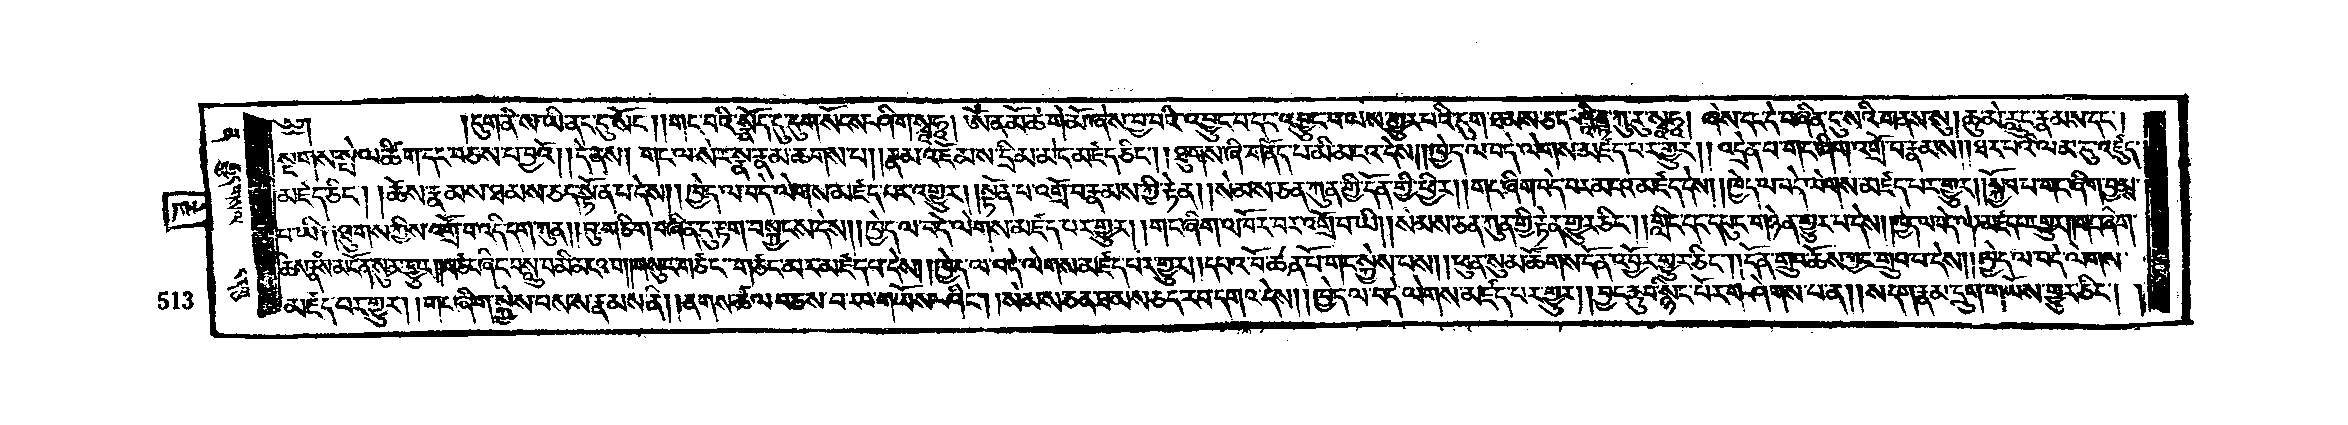༄༅། །དུག་ནི་ས་ཡི་ནང་དུ་སོང་། །གང་བའི་སྣོད་དུ་དུག་སོངས་ཤིག་སྭཱ་ཧཱ། ཨོཾ་ན་མོ་ཆེ་གེ་མོ་ཞེས་བྱ་བའི་འབྱུང་བ་དང་འབྱུང་བ་ལས་གྱུར་པའི་དུག་ཐམས་ཅད་ལཱ་?་མྟ་?་ཀུ་རུ་སྭཱ་ཧཱ། ཞེས་དང་དེ་བཞིན་དུ་སའི་གནས་སུ། ཆུ་མེ་རླུང་རྣམས་དང་།
སྔགས་སྤེལ་ཚིག་དང་བཅས་པ་བྱའོ། །དེ་ནས། གང་ལ་སེར་སྣ་རྣམ་ཆགས་པ། །རྣམ་འཇོམས་དྲི་མ་མེད་མཛད་ཅིང་། །ཐུགས་ཞི་གནོད་པ་མི་མངའ་དེས། །ཁྱེད་ལ་བདེ་ལེགས་མཛད་པར་གྱུར། །འདྲེན་པ་གང་ཞིག་འགྲོ་བ་རྣམས། །ཐར་པའི་ལམ་དུ་འཛུད་
མཛད་ཅིང་། །ཆོས་རྣམས་ཐམས་ཅད་སྟོན་པ་དེས། །ཁྱེད་ལ་བདེ་ལེགས་མཛད་པར་འགྱུར། །སྟོན་པ་འགྲོ་བ་རྣམས་ཀྱི་རྟེན། །སེམས་ཅན་ཀུན་གྱི་དོན་གྱི་ཕྱིར། །གང་ཞིག་བདེ་བར་མངའ་མཛད་དེས། །ཁྱེད་ལ་བདེ་ལེགས་མཛད་པར་གྱུར། །སྐྱོབ་པ་གང་ཞིག་བྱམས་
པ་ཡི། །ཐུགས་ཀྱིས་འགྲོ་བ་འདི་དག་ཀུན། །བུ་གཅིག་བཞིན་དུ་རྟག་བསྐྱངས་དེས། །ཁྱེད་ལ་བདེ་ལེགས་མཛད་པར་གྱུར། །གང་ཞིག་འཁོར་བར་འགྲོ་བ་ཡི། །སེམས་ཅན་ཀུན་གྱི་རྟེན་གྱུར་ཅིང་། །གླིང་དང་དཔུང་གཉེན་གྱུར་པ་དེས། །ཁྱེད་ལ་བདེ་ལེགས་མཛད་པར་གྱུར། །གང་ཞིག་
ཆོས་རྣམས་མངོན་སུམ་གྱུར། །གཙང་ཞིང་བསླུ་བ་མི་མངའ་བ། །གསུང་གཙང་གཙང་མར་མཛད་པ་དེས། །ཁྱེད་ལ་བདེ་ལེགས་མཛད་པར་གྱུར། །དཔའ་བོ་ཆེན་པོ་གང་སྐྱེས་པས། །ཕུན་སུམ་ཚོགས་དོན་འབྱོར་གྱུར་ཅིང་། །དོན་གྲུབ་ཆོས་ཀྱང་གྲུབ་པ་དེས། །ཁྱེད་ལ་བདེ་ལེགས་
མཛད་པར་གྱུར། །གང་ཞིག་སྐྱེས་པས་ས་རྣམས་ནི། །ནགས་ཚལ་བཅས་པ་རབ་གཡོས་ཤིང་། །སེམས་ཅན་ཐམས་ཅད་རབ་དགའ་དེས། །ཁྱེད་ལ་བདེ་ལེགས་མཛད་པར་གྱུར། །བྱང་ཆུབ་སྙིང་པོར་གཤེགས་པ་ན། །ས་དག་རྣམ་དྲུག་གཡོས་གྱུར་ཅིང་། །